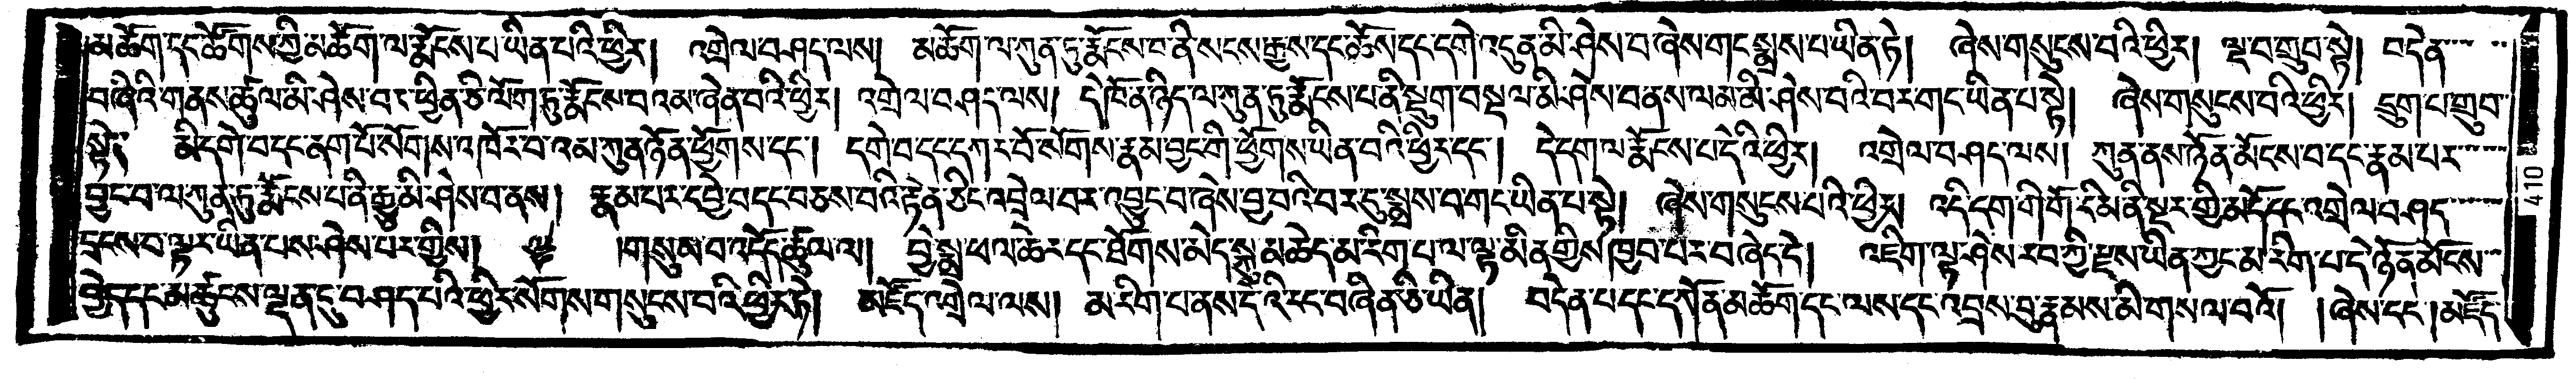མཆོག་དང་ཚོགས་ཀྱི་མཆོག་ལ་རྨོངས་པ་ཡིན་པའི་ཕྱིར། འགྲེལ་བཤད་ལས། མཆོག་ལ་ཀུན་ཏུ་རྨོངས་པ་ནི་སངས་རྒྱས་དང་ཆོས་དང་དགེ་འདུན་མི་ཤེས་པ་ཞེས་གང་སྨྲས་པ་ཡིན་ཏེ། ཞེས་གསུངས་པའི་ཕྱིར། ལྔ་པ་གྲུབ་སྟེ། བདེན་
བཞིའི་གནས་ཚུལ་མི་ཤེས་པར་ཕྱིན་ཅི་ལོག་ཏུ་རྨོངས་པའམ་ཞེན་པའི་ཕྱིར། འགྲེལ་བཤད་ལས། དེ་ཁོ་ན་ཉིད་ལ་ཀུན་ཏུ་རྨོངས་པ་ནི་སྡུག་བསྔལ་མི་ཤེས་པ་ནས་ལམ་མི་ཤེས་པའི་བར་གང་ཡིན་པ་སྟེ། ཞེས་གསུངས་པའི་ཕྱིར། དྲུག་པ་གྲུབ་
སྟེ༑ མི་དགེ་བ་དང་ནག་པོ་སོགས་འཁོར་བ་འམ་ཀུན་ཉོན་ཕྱོགས་དང་། དགེ་བ་དང་དཀར་པོ་སོགས་རྣམ་བྱང་གི་ཕྱོགས་ཡིན་པའི་ཕྱིར་དང་། དེ་དག་ལ་རྨོངས་པ་དེའི་ཕྱིར། འགྲེལ་བཤད་ལས། ཀུན་ནས་ཉོན་མོངས་པ་དང་རྣམ་པར་
བྱང་བ་ལ་ཀུན་ཏུ་རྨོངས་པ་ནི་རྒྱུ་མི་ཤེས་པ་ནས། རྣམ་པར་དབྱེ་བ་དང་བཅས་པའི་རྟེན་ཅིང་འབྲེལ་བར་འབྱུང་བ་ཞེས་བྱ་བའི་བར་དུ་སྨྲས་པ་གང་ཡིན་པ་སྟེ། ཞེས་གསུངས་པའི་ཕྱིར། འདི་དག་གི་གོ་རིམ་ནི་སྔར་གྱི་མདོ་དང་འགྲེལ་བཤད་
དྲངས་པ་ལྟར་ཡིན་པས་ཤེས་པར་གྱིས། ༈ །གསུམ་པ་འདོད་ཚུལ་ལ། བྱེ་སྨྲ་ཕལ་ཆེར་དང་ཐོགས་མེད་སྐུ་མཆེད་མ་རིག་པ་ལ་ལྟ་མིན་གྱིས་ཁྱབ་པར་བཞེད་དེ། འཇིག་ལྟ་ཤེས་རབ་ཀྱི་རྫས་ཡིན་ཀྱང་མ་རིག་པ་དེ་ཉོན་མོངས་
བྱེད་དང་མཚུངས་ལྡན་དུ་བཤད་པའི་ཕྱིར་སོགས་གསུངས་པའི་ཕྱིར་ཏེ། མཛོད་འགྲེལ་ལས། མ་རིག་པ་ནས་དེའི་རང་བཞིན་ཅི་ཡིན། བདེན་པ་དང་དཀོན་མཆོག་དང་ལས་དང་འབྲས་བུ་རྣམས་མི་གསལ་བའོ། །ཞེས་དང་། མཛོད་